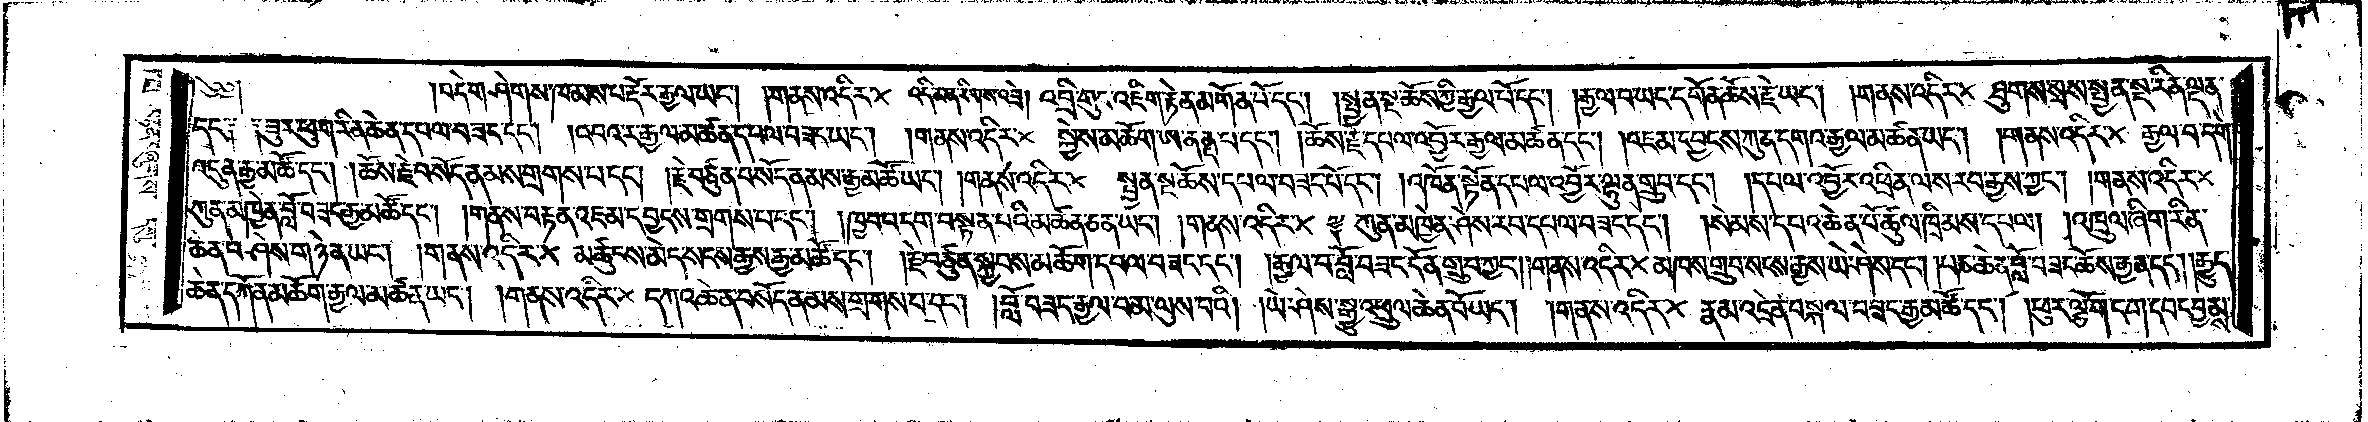༄༅། །བདེ་གཤེགས་ཁམས་པ་རྡོར་རྒྱལ་ཡང་། །གནས་འདིར྾་འདི་མན་རིགས་བཟེ།  འབྲི་གུང་འཇིག་རྟེན་མགོན་པོ་དང་། །སྤྱན་སྔ་ཆོས་ཀྱི་རྒྱལ་པོ་དང་། །རྒྱལ་བ་ཡང་དགོན་ཆོས་རྗེ་ཡང་། །གནས་འདིར྾་ཐུགས་སྲས་སྤྱན་སྔ་རིན་ལྡན་
དང༑ ༑ཟུར་ཕུག་རིན་ཆེན་དཔལ་བཟང་དང་། །འབའ་ར་རྒྱལ་མཚན་དཔལ་བཟང་ཡང་། །གནས་འདིར྾་སྐྱེས་མཆོག་ཨ་ནནྡ་པ་དང་། །ཆོས་རྗེ་དཔལ་འབྱོར་རྒྱལ་མཚན་དང་། །འཇམ་དབྱངས་ཀུན་དགའ་རྒྱལ་མཚན་ཡང་། །གནས་འདིར྾་རྒྱལ་བ་དགེ་
འདུན་རྒྱ་མཚོ་དང་། །ཆོས་རྗེ་བསོད་ནམས་གྲགས་པ་དང་། །རྗེ་བཙུན་བསོད་ནམས་རྒྱ་མཚོ་ཡང་། །གནས་འདིར྾་སྤྱན་སྔ་ཆོས་དཔལ་བཟང་པོ་དང་། །འཁོན་སྟོན་དཔལ་འབྱོར་ལྷུན་གྲུབ་དང་། །དཔལ་འབྱོར་འཕྲིན་ལས་རབ་རྒྱས་ཀྱང་། །གནས་འདིར྾་
ཀུན་མཁྱེན་བློ་བཟང་རྒྱ་མཚོ་དང་། །གནས་བརྟན་འཇམ་དབྱངས་གྲགས་པ་དང་། །ཁྱབ་བདག་བསྟན་པའི་མཚན་ཅན་ཡང་། །གནས་འདིར྾་༈ ཀུན་མཁྱེན་ཤེས་རབ་དཔལ་བཟང་དང་། །སེམས་དཔའ་ཆེན་པོ་ཚུལ་ཁྲིམས་དཔལ། །འཁྲུལ་ཞིག་རིན་
ཆེན་བཤེས་གཉེན་ཡང་། །གནས་འདིར྾་མཚུངས་མེད་སངས་རྒྱས་རྒྱ་མཚོ་དང་། །རྗེ་བཙུན་སྐྱབས་མཆོག་དཔལ་བཟང་དང་། །རྒྱལ་བ་བློ་བཟང་དོན་གྲུབ་ཀྱང་། །གནས་འདིར྾་མཁས་གྲུབ་སངས་རྒྱས་ཡེ་ཤེས་དང་། །པཎ་ཆེན་བློ་བཟང་ཆོས་རྒྱན་དང་། །རྒྱུད་
ཆེན་དཀོན་མཆོག་རྒྱལ་མཚན་ཡང་། །གནས་འདིར྾་དཀའ་ཆེན་བསོད་ནམས་གྲགས་པ་དང་། །བློ་བཟང་རྒྱལ་བ་མ་ལུས་བའི། །ཡེ་ཤེས་སྒྱུ་འཕྲུལ་ཆེན་པོ་ཡང་། །གནས་འདིར྾་རྣམ་འདྲེན་བསྐལ་བཟང་རྒྱ་མཚོ་དང་། །ཕུར་ལྕོག་ངག་དབང་བྱམས་